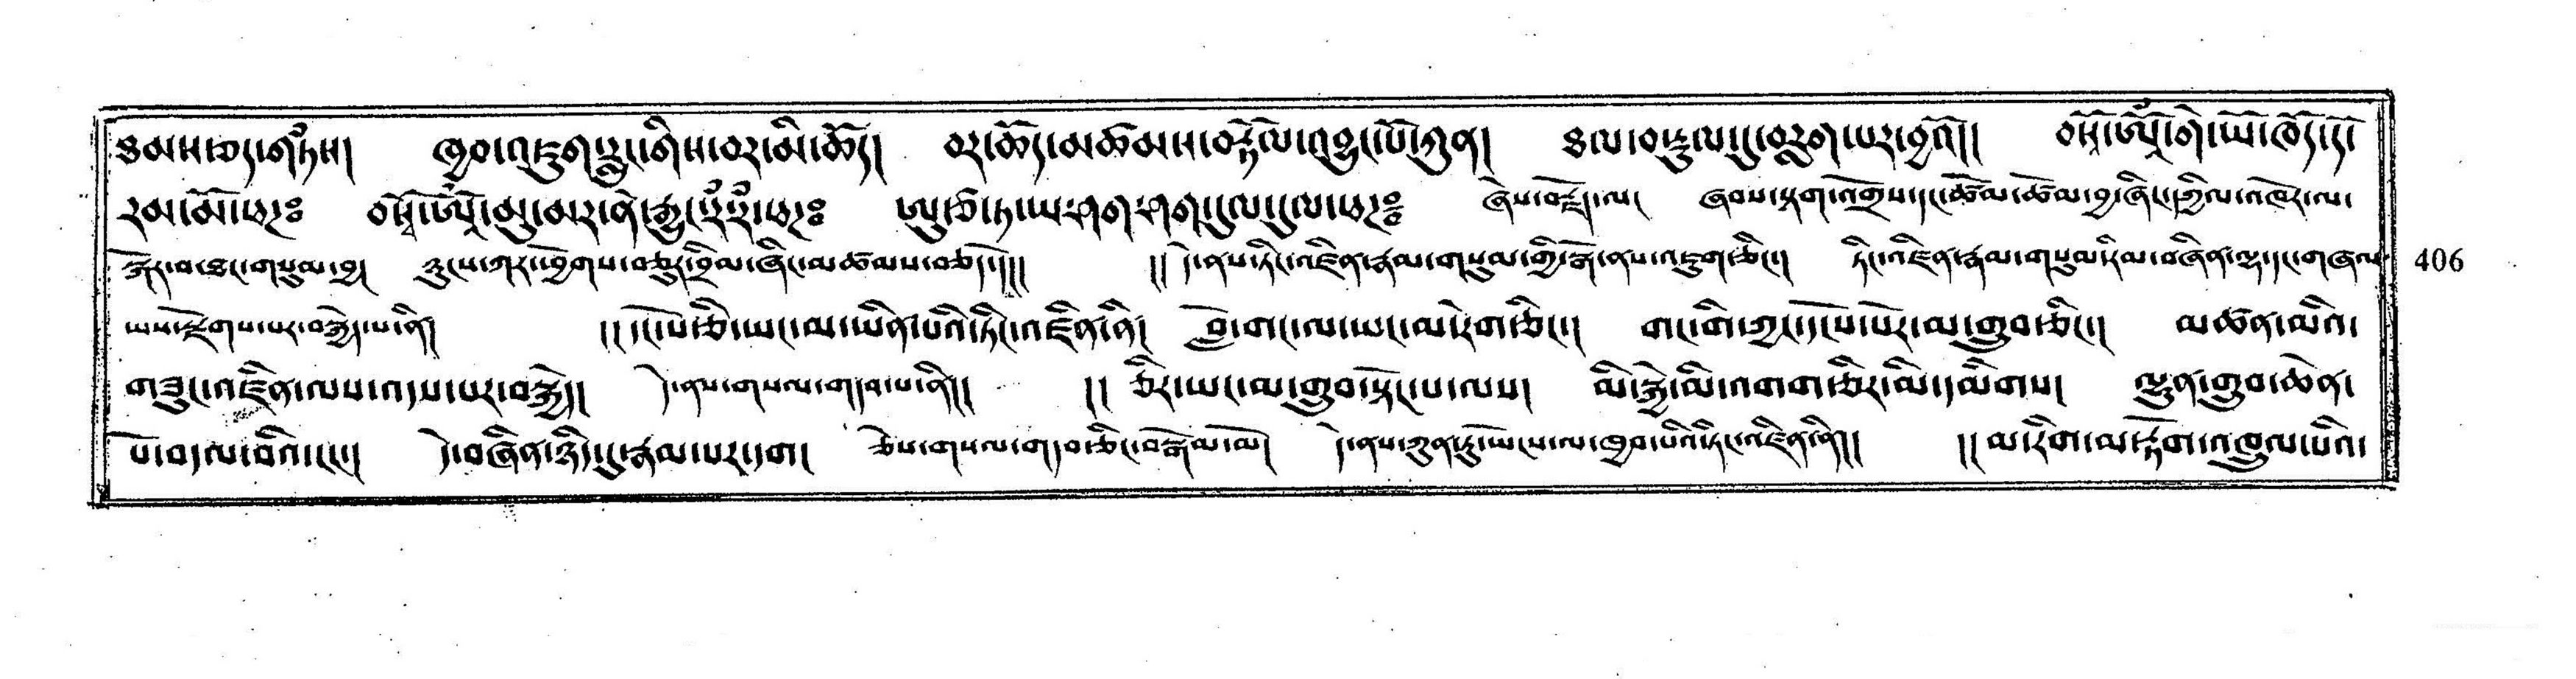ཐམས་ཅད་གཏམས། ཁྱབ་འཇུག་རླུང་གིས་བར་མི་ཆོད། བར་ཆོད་མཚམས་བརྟོལ་འབྱུང་པོ་ཀུན། ཐལ་བ་རྡུལ་དུ་བརླག་པར་བྱའོ།། བསྭོ་ཨཱོཾ་གེ་ཡོ་ཁོད་དོ་
རམ་མོ་ཕཊ༔ བསྭོ་ཨཱོཾ་མུ་མར་ནེ་རྒྱུང་རཾ་རཾ་ཕཊ༔ ཨུ་ཙ་ཏ་ཡ་ཤག་ཤག་དུལ་དུལ་ཕཊ༔ ཞེས་བརྗོད་ལ། ཞབས་སྟག་འགྲོས་དང་ཚོམ་ཚོམ་བྱ་ཞིང་དཀྱིལ་འཁོར་ལ་
སྐོར་བ་ཐང་གསུམ་བྱ། ཉུངས་ཀར་ཕྱོགས་བཅུར་བྲིམ་ཞིང་མཚམས་བཅད་དོ།། དེ་ནས་ཏིང་ངེ་འཛིན་རྣམ་གསུམ་གྱི་སྒོ་ནས་འཇུག་ཅིང་། ཏིང་འཛིན་རྣམ་གསུམ་རིམ་བཞིན་ལྷ་དང་གཞལ་
ཡས་རྫོགས་པར་བསྐྱེད་པ་ནི། །།དང་པོ་ཅི་ཡང་མ་ཡིན་པའི་ཏིང་འཛིན་ནི། བློ་གང་ལ་ཡང་མ་རེག་ཅིང་། གང་གི་ཀྱང་དངོས་སོར་མ་གྲུབ་ཅིང་། མཚན་མའི་
གཟུང་འཛིན་ལས་འདས་པར་བསྐྱེད། དེ་ནས་གསལ་གདབ་པ་ནི།། ཅིར་ཡང་མ་གྲུབ་སྟོང་པ་ལས། མི་སྐྱེ་མི་འགག་ཅིར་མི་དམིགས། ལྷུན་གྲུབ་ཆེན་
པོ་བདལ་པའི་ངང་། དེ་བཞིན་ཉིད་དུ་རྣམ་པར་དག ཅེས་གསལ་གདབ་ཅིང་བསྒོམ་{417}མོ། དེ་ནས་ཀུན་དུ་ཡོངས་ལ་ཁྱབ་པའི་ཏིང་འཛིན་ནི།། །།མ་རིག་མ་རྟོག་འཁྲུལ་པའི་